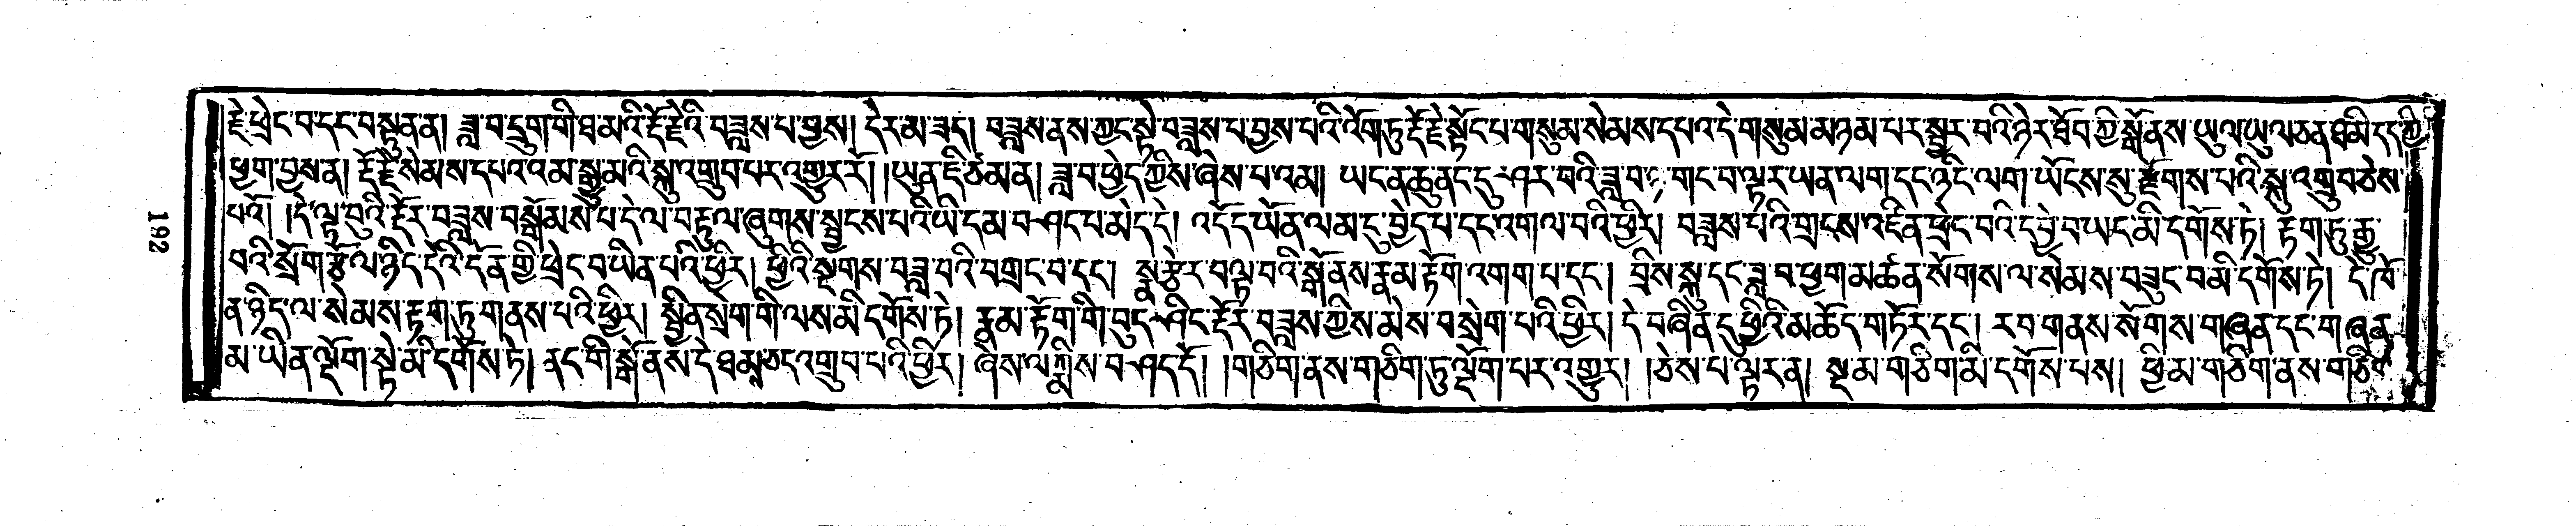རྗེ་ཕྲེང་བ་དང་བསྟུན་ན། ཟླ་བ་དྲུག་གི་ཐ་མའི་རྡོ་རྗེའི་བཟླས་པ་བྱས། དེར་མ་ཟད། བཟླས་ནས་ཀྱང་སྟེ་བཟླས་པ་བྱས་པའི་འོག་ཏུ་རྡོ་རྗེ་སྟོང་པ་གསུམ་སེམས་དཔའ་དེ་གསུམ་མཉམ་པར་སྦྱར་བའི་ཉེར་ཐོབ་ཀྱི་སྒོ་ནས་ཡུལ་ཡུལ་ཅན་ཐ་མི་དད་ཀྱི་
ཕྱག་བྱས་ན། རྡོ་རྗེ་སེམས་དཔའ་འམ་སྒྱུ་མའི་སྐུ་འགྲུབ་པར་འགྱུར་རོ། །ཡུན་ཇི་ཙམ་ན། ཟླ་བ་ཕྱེད་ཀྱིས་ཞེས་པའམ། ཡང་ན་ཆུ་ནང་དུ་ཤར་བའི་ཟླ་བ་ཉ་གང་བ་ལྟར་ཡན་ལག་དང་ཉིང་ལག་ཡོངས་སུ་རྫོགས་པའི་སྐུ་འགྲུབ་ཅེས་
པའོ། །དེ་ལྟ་བུའི་རྡོར་བཟླས་པ་སྒོམས་པ་དེ་ལ་བརྟུལ་ཞུགས་སྦྱངས་པའི་ཡི་དམ་བཤད་པ་མེད་དེ། འདོད་ཡོན་ལམ་དུ་བྱེད་པ་དང་འགལ་བའི་ཕྱིར། བཟླས་པའི་གྲངས་འཛིན་ཕྲེང་བའི་དབྱེ་བ་ཡང་མི་དགོས་ཏེ། རྟག་ཏུ་རྒྱུ་
པའི་སྲོག་རྩོལ་ཉིད་དེའི་དོན་གྱི་ཕྲེང་བ་ཡིན་པའི་ཕྱིར། ཕྱིའི་སྔགས་བཟླ་བའི་བགྲང་བ་དང་། སྣ་རྩེར་བལྟ་བའི་སྒོ་ནས་རྣམ་རྟོག་འགག་པ་དང་། བྲིས་སྐུ་དང་ཟླ་བ་ཕྱག་མཚན་སོགས་ལ་སེམས་བཟུང་བ་མི་དགོས་ཏེ། དེ་ཁོ་
ན་ཉིད་ལ་སེམས་རྟག་ཏུ་གནས་པའི་ཕྱིར། སྦྱིན་སྲེག་གི་ལས་མི་དགོས་ཏེ། རྣམ་རྟོག་གི་བུད་ཤིང་རྡོར་བཟླས་ཀྱིས་མེས་བསྲེག་པའི་ཕྱིར། དེ་བཞིན་དུ་ཕྱིའི་མཆོད་གཏོར་དང་། རབ་གནས་སོགས་གཞན་དང་གཞན་
མ་ཡིན་ལྡོག་སྟེ་མི་དགོས་ཏེ། ནང་གི་སྒོ་ནས་དེ་ཐམས་ཅད་འགྲུབ་པའི་ཕྱིར། ཞེས་ལཀྨིས་བཤད་དོ། །གཅིག་ནས་གཅིག་ཏུ་ལྡོག་པར་འགྱུར། །ཅེས་པ་ལྟར་ན། སྔ་མ་གཅིག་མི་དགོས་པས། ཕྱི་མ་གཅིག་ནས་གཅིག་